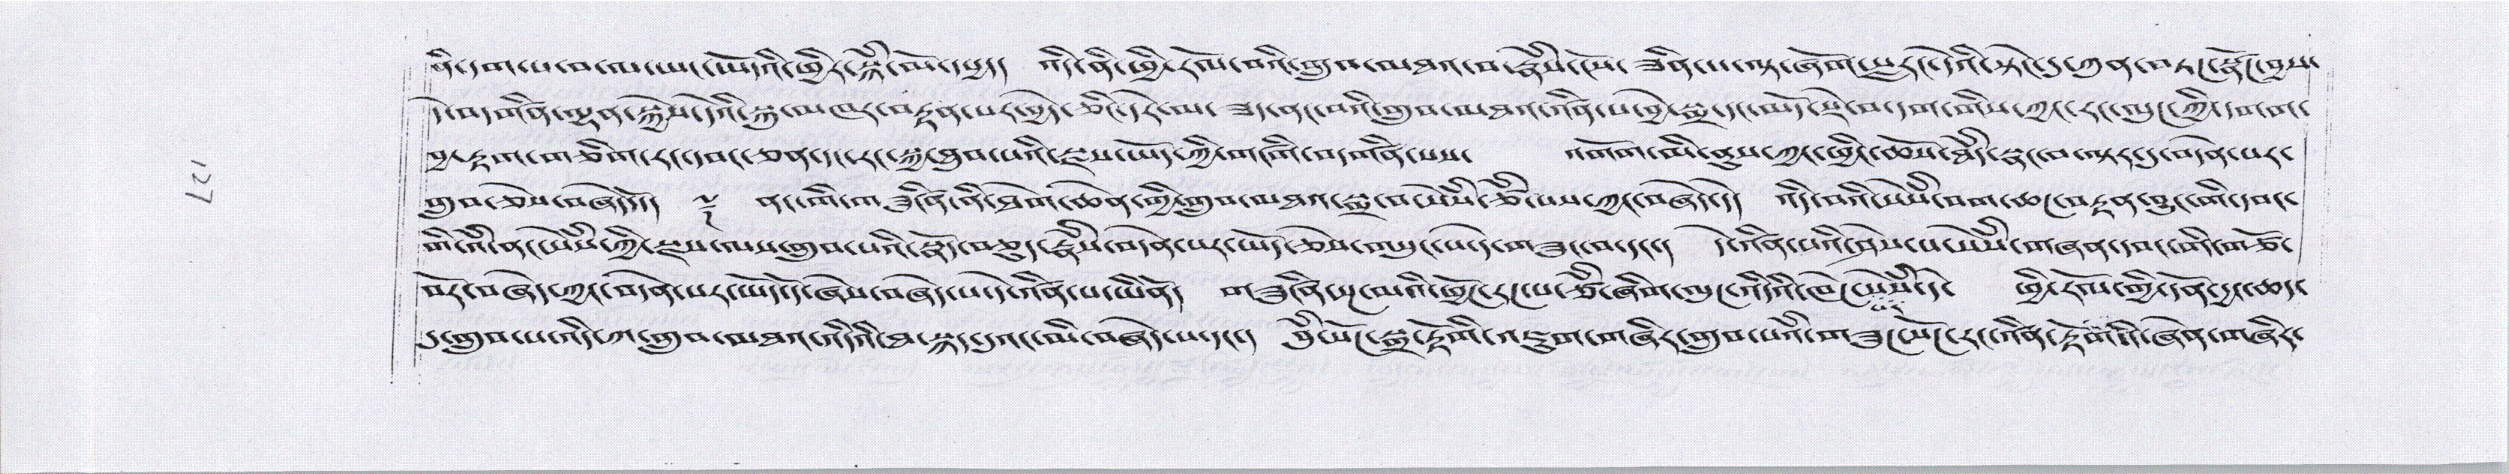ནི་དག་པ་བ་ལའང་ཡོད་པའི་ཕྱིར་སྙམ་མོ་དཔྱད། འདི་ནི་ཕྱི་རོལ་པའི་གྲུབ་མཐའ་བ་རྣམས་ངོས་ཟིན་པ་ལྟ་ཞོག་སླར་ཡང་དེའི་སྟེང་དུ་ཀུན་བཏགས་སྣ་ཚོགས་བྱས་
ཏེ་བདག་འཛིན་ལྷན་སྐྱེས་དེའི་སྐུ་མཁར་བརྟན་པར་བྱེད་ཅིང་དེར་མ་ཟད་ནང་པའི་གྲུབ་མཐའ་འཛིན་པ་བྱེ་སྨྲ་དང་མདོ་སྡེ་པ་དག་གིས་ཀྱང་རང་ལུགས་ཀྱི་དགག་
བྱ་རྟག་གཅིག་རང་དབང་ཅན་དང་རང་རྐྱ་ཐུབ་པའི་རྫས་ཡོད་ཀྱི་གང་ཟག་བདག་འཛིན་པས་འགོག་མི་ནུས་ཀྱང་ཕྱི་ནང་གི་ཆོས་ཐམས་ཅད་སྣང་བ་ལྟར་དུ་བདེན་པར་
གྲུབ་ཅེས་བཞེད་དོ།། ༧ ནང་གི་གཟུང་འཛིན་ནི། ནང་གི་གཟུང་འཛིན་ནི་ཐེག་ཆེན་གྱི་གྲུབ་མཐའ་སྨྲ་བ་སེམས་ཙམ་པས་ཀྱང་བཞེད་དེ། འདི་པའི་སེམས་བག་ཆགས་བརྟན་འབྱུང་གི་དབང་
གིས་དེའི་སེམས་ཀྱི་རྫས་ལས་གྲུབ་པའི་སྣོད་བཅུད་རྣམས་བདེན་པར་ཡོད་ཅེས་གསུངས་པ་དེ་གཟུང་བ་དང་། དེ་འཛིན་པའི་ཤེས་པ་སེམས་གཞན་དབང་གི་གཙོ་
བོར་བཞེད་ཀྱང་བདེན་པར་ཡོད་དོ་ཞེས་བཞེད་པ་དེ་འཛིན་པ་ཡིན་ནོ། གཟུང་འཛིན་སྔ་མའི་ཕྱོགས་རགས་པ་ཙམ་ཞིག་ལུགས་འདིའི་ཁེགས་པར་སེམས་དེ། ཕྱི་རོལ་གྱི་དོན་རྒྱང་ཆད་
དུ་གྲུབ་པ་འདི་ཀ་གྲུབ་མཐའ་འདིའི་ཐ་སྙད་དུའང་མི་བཞེད་པ་དང་། བུམ་སོགས་སྒྲ་རྟོག་གི་འཇུག་གཞིར་གྲུབ་པའི་གཟུགས་སོགས་རང་འཛིན་རྟོག་པའི་ཞེན་གཞིར་